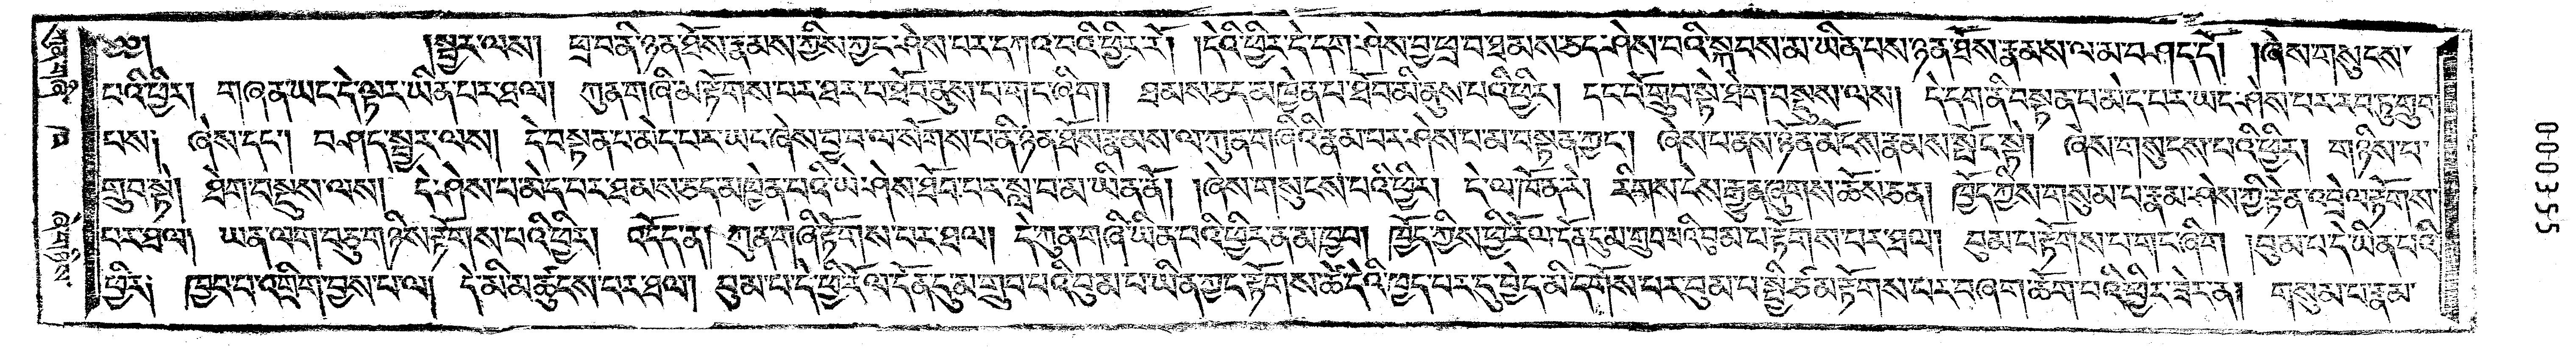༄༅། །སྦྱར་ལས། ཕྲ་བ་ནི་ཉན་ཐོས་རྣམས་ཀྱིས་ཀྱང་ཤེས་པར་དཀའ་བའི་ཕྱིར་རོ། །དེའི་ཕྱིར་དེ་དག་ཤེས་བྱ་ཕྲ་བ་ཐམས་ཅད་ཤེས་པའི་སྐབས་མ་ཡིན་པས་ཉན་ཐོས་རྣམས་ལ་མ་བཤད་དོ། །ཞེས་གསུངས་
པའི་ཕྱིར། གཞན་ཡང་དེ་ལྟར་ཡིན་པར་ཐལ། ཀུན་གཞི་མ་རྟོགས་པར་ཐར་པ་ཐོབ་ནུས་པ་གང་ཞིག། ཐམས་ཅད་མཁྱེན་པ་ཐོབ་མི་ནུས་པའི་ཕྱིར། དང་པོ་གྲུབ་སྟེ་ཐེག་བསྡུས་ལས། དེ་དག་ནི་བསྟན་པ་མེད་པར་ཡང་ཤེས་པར་རབ་ཏུ་གྲུབ་
པས༑ ཞེས་དང་། བཤད་སྦྱར་ལས། དེ་བསྟན་པ་མེད་པར་ཡང་ཞེས་བྱ་བ་ལ་སོགས་པ་ནི་ཉན་ཐོས་རྣམས་ལ་ཀུན་གཞིའི་རྣམ་པར་ཤེས་པ་མ་བསྟན་ཀྱང་། ཞེས་པ་ནས་ཉོན་མོངས་རྣམས་སྤོང་སྟེ། ཞེས་གསུངས་པའི་ཕྱིར། གཉིས་པ་
གྲུབ་སྟེ། ཐེག་བསྡུས་ལས། དེ་ཤེས་པ་མེད་བར་ཐམས་ཅད་མཁྱེན་པའི་ཡེ་ཤེས་ཐོབ་པར་སླ་བ་མ་ཡིན་ནོ། །ཞེས་གསུངས་པའི་ཕྱིར། དེ་ལ་ཁོ་ན་རེ། རིགས་ངེས་རྒྱུན་ཞུགས་ཆོས་ཅན། ཁྱོད་ཀྱིས་གསུམ་པ་རྣམ་ཤེས་ཀྱི་རྟེན་འབྲེལ་རྟོགས་
པར་ཐལ། ཡན་ལག་བཅུ་གཉིས་རྟོགས་པའི་ཕྱིར། འདོད་ན། ཀུན་གཞི་རྟོགས་པར་ཐལ། དེ་ཀུན་གཞི་ཡིན་པའི་ཕྱིར་ན་མ་ཁྱབ། ཁྱོད་ཀྱིས་ཕྱི་རོལ་དོན་དུ་མ་གྲུབ་པའི་བུམ་པ་རྟོགས་པར་ཐལ། བུམ་པ་རྟོགས་པ་གང་ཞིག །བུམ་པ་དེ་ཡིན་པའི་
ཕྱིར། ཁྱབ་པ་འགྲིག་བྱས་པ་ལ། དེ་མི་མཚུངས་པར་ཐལ། བུམ་པ་དེ་ཕྱི་རོལ་དོན་དུ་མ་གྲུབ་པའི་བུམ་པ་ཡིན་ཀྱང་རྟོགས་ཚེ་དེའི་ཁྱད་པར་དུ་བྱེད་མི་དགོས་པར་བུམ་པ་སྤྱི་ཙམ་རྟོགས་པར་བཞག་ཆོག་པའི་ཕྱིར་ཟེར་ན། གསུམ་པ་རྣམ་